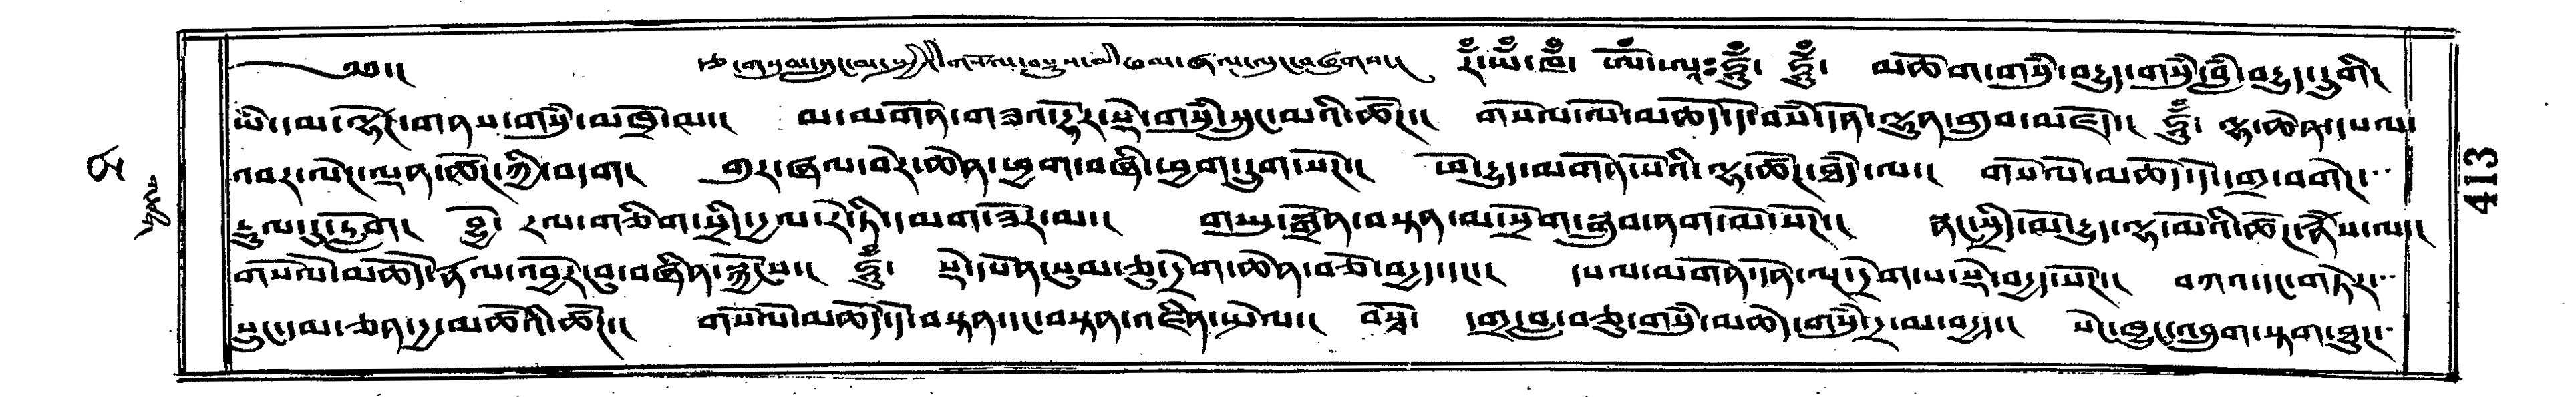༄༅། རྩ་གསུམ་སྲུང་མ་སྤྱིའི་གསོལ་བསྡུས་མི་ཕམ་ཞལ་ལུང་བཞུགས། རྃ་ཡྃ་ཁྃ། ཨོཾ་ཨཱཿཧཱུྃ། མཆོག་གསུམ་བརྒྱུད་གསུམ་བླ་མ་བརྒྱུད་དྲུག་གི 
ཡི་དམ་ལྷ་ཚོགས་གནས་གསུམ་མཁའ་འགྲོ་མ། །མ་མགོན་གཟའ་རྡོར་སྡེ་གསུམ་སྲུང་མའི་ཚོགས། །གསོལ་ལོ་མཆོད་དོ་བསམ་དོན་ལྷུན་གྲུབ་མཛོད། ཧཱུྃ། ལྷ་ཆེན་དཔལ་
འབར་ལེགས་ལྡན་ཚོགས་ཀྱི་བདག །གུར་ཞལ་བེར་ཆེན་ཕྱག་བཞི་ཕྱག་དྲུག་སོགས། །ཕོ་རྒྱུད་མགོན་པོའི་ལྷ་ཚོགས་ཐམས་ཅད་ལ། །གསོལ་ལོ་མཆོད་དོ་དགྲ་བགེགས་
རྡུལ་དུ་རློག བྷྱོ། རལ་གཅིག་སྲིད་རྒྱལ་རེ་ཏི་དམག་ཟོར་མ། །གཡུ་སྒྲོན་བསྟན་མ་སྲོག་སྒྲུབ་ནག་མོ་སོགས། །སྣང་སྲིད་མོ་རྒྱུད་ལྷ་མོའི་ཚོགས་རྣམས་ལ། །
གསོལ་ལོ་མཆོད་དོ་རྣལ་འབྱོར་བུ་བཞིན་སྐྱོངས། ཧཱུྃ། སྡེ་དཔོན་སུམ་ཅུ་དྲེགས་ཆེན་བཅོ་བརྒྱད་དང། །དཔལ་མགོན་དོན་ལྔ་དྲེགས་པ་སྡེ་བརྒྱད་སོགས། །བཀའ་དང་གཏེར་
སྲུང་དམ་ཅན་རྒྱ་མཚོའི་ཚོགས། །གསོལ་ལོ་མཆོད་དོ་བསྟན་དང་བསྟན་འཛིན་སྤེལ། བསྭོ། དགྲ་བླ་བཅུ་གསུམ་མཆེད་གསུམ་དྲ་མ་བརྒྱད། །སེང་ཁྱུང་འབྲུག་སྟག་ཐུགས་